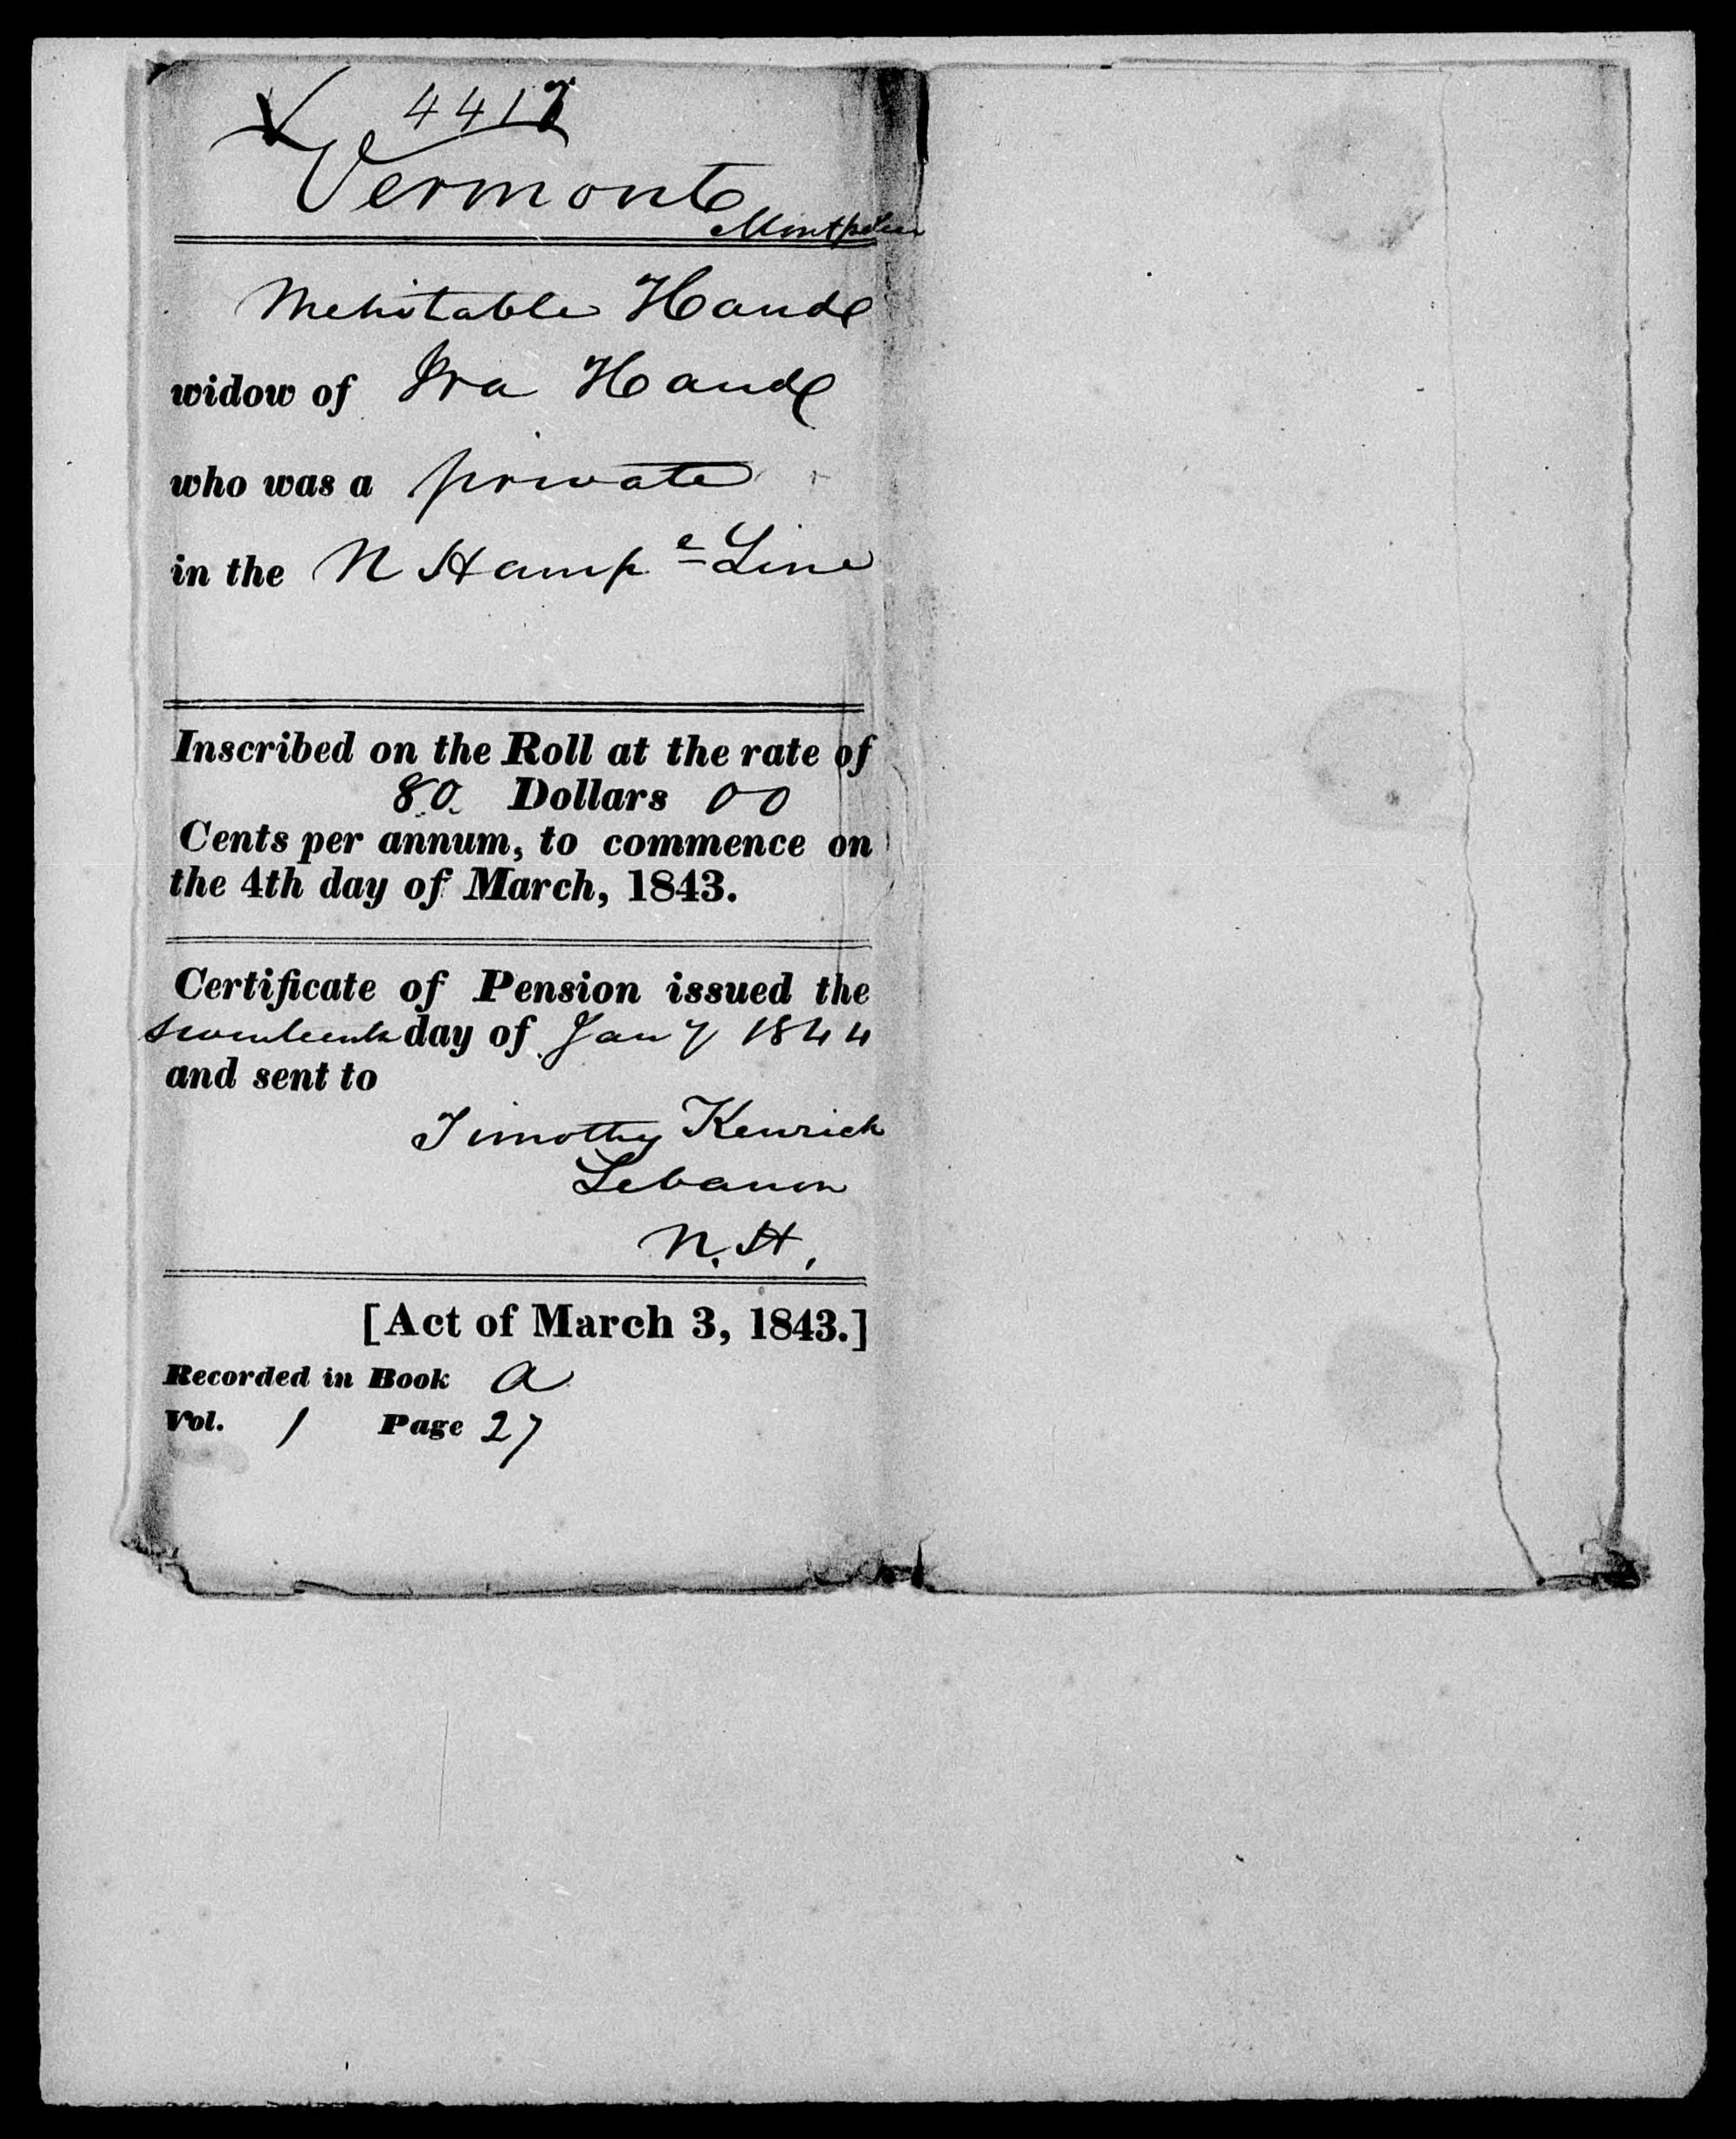V 4416 Vermont Montpelier
Mehitable Hand widow of Ira Hand who was a private in  the N Hamp.e Line 
Inscribed on the Roll at the rate 80 Dollars 00 Cents per annum, to commence on the 4th day of March, 1843. 
 Certificate of Pension issued the Seventeenth day of Jany 1844 and sent to Timothy Kenrick Lebanon N. H 
[Act of March 3, 1843.] 
Recorded in Book A Vol. 1 Page 27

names: Ira Hand, Mehitable Hand, Timothy Kenrick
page: 22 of 42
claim: widow's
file: W. 19,722, Ira Hand, N.H. Vt.